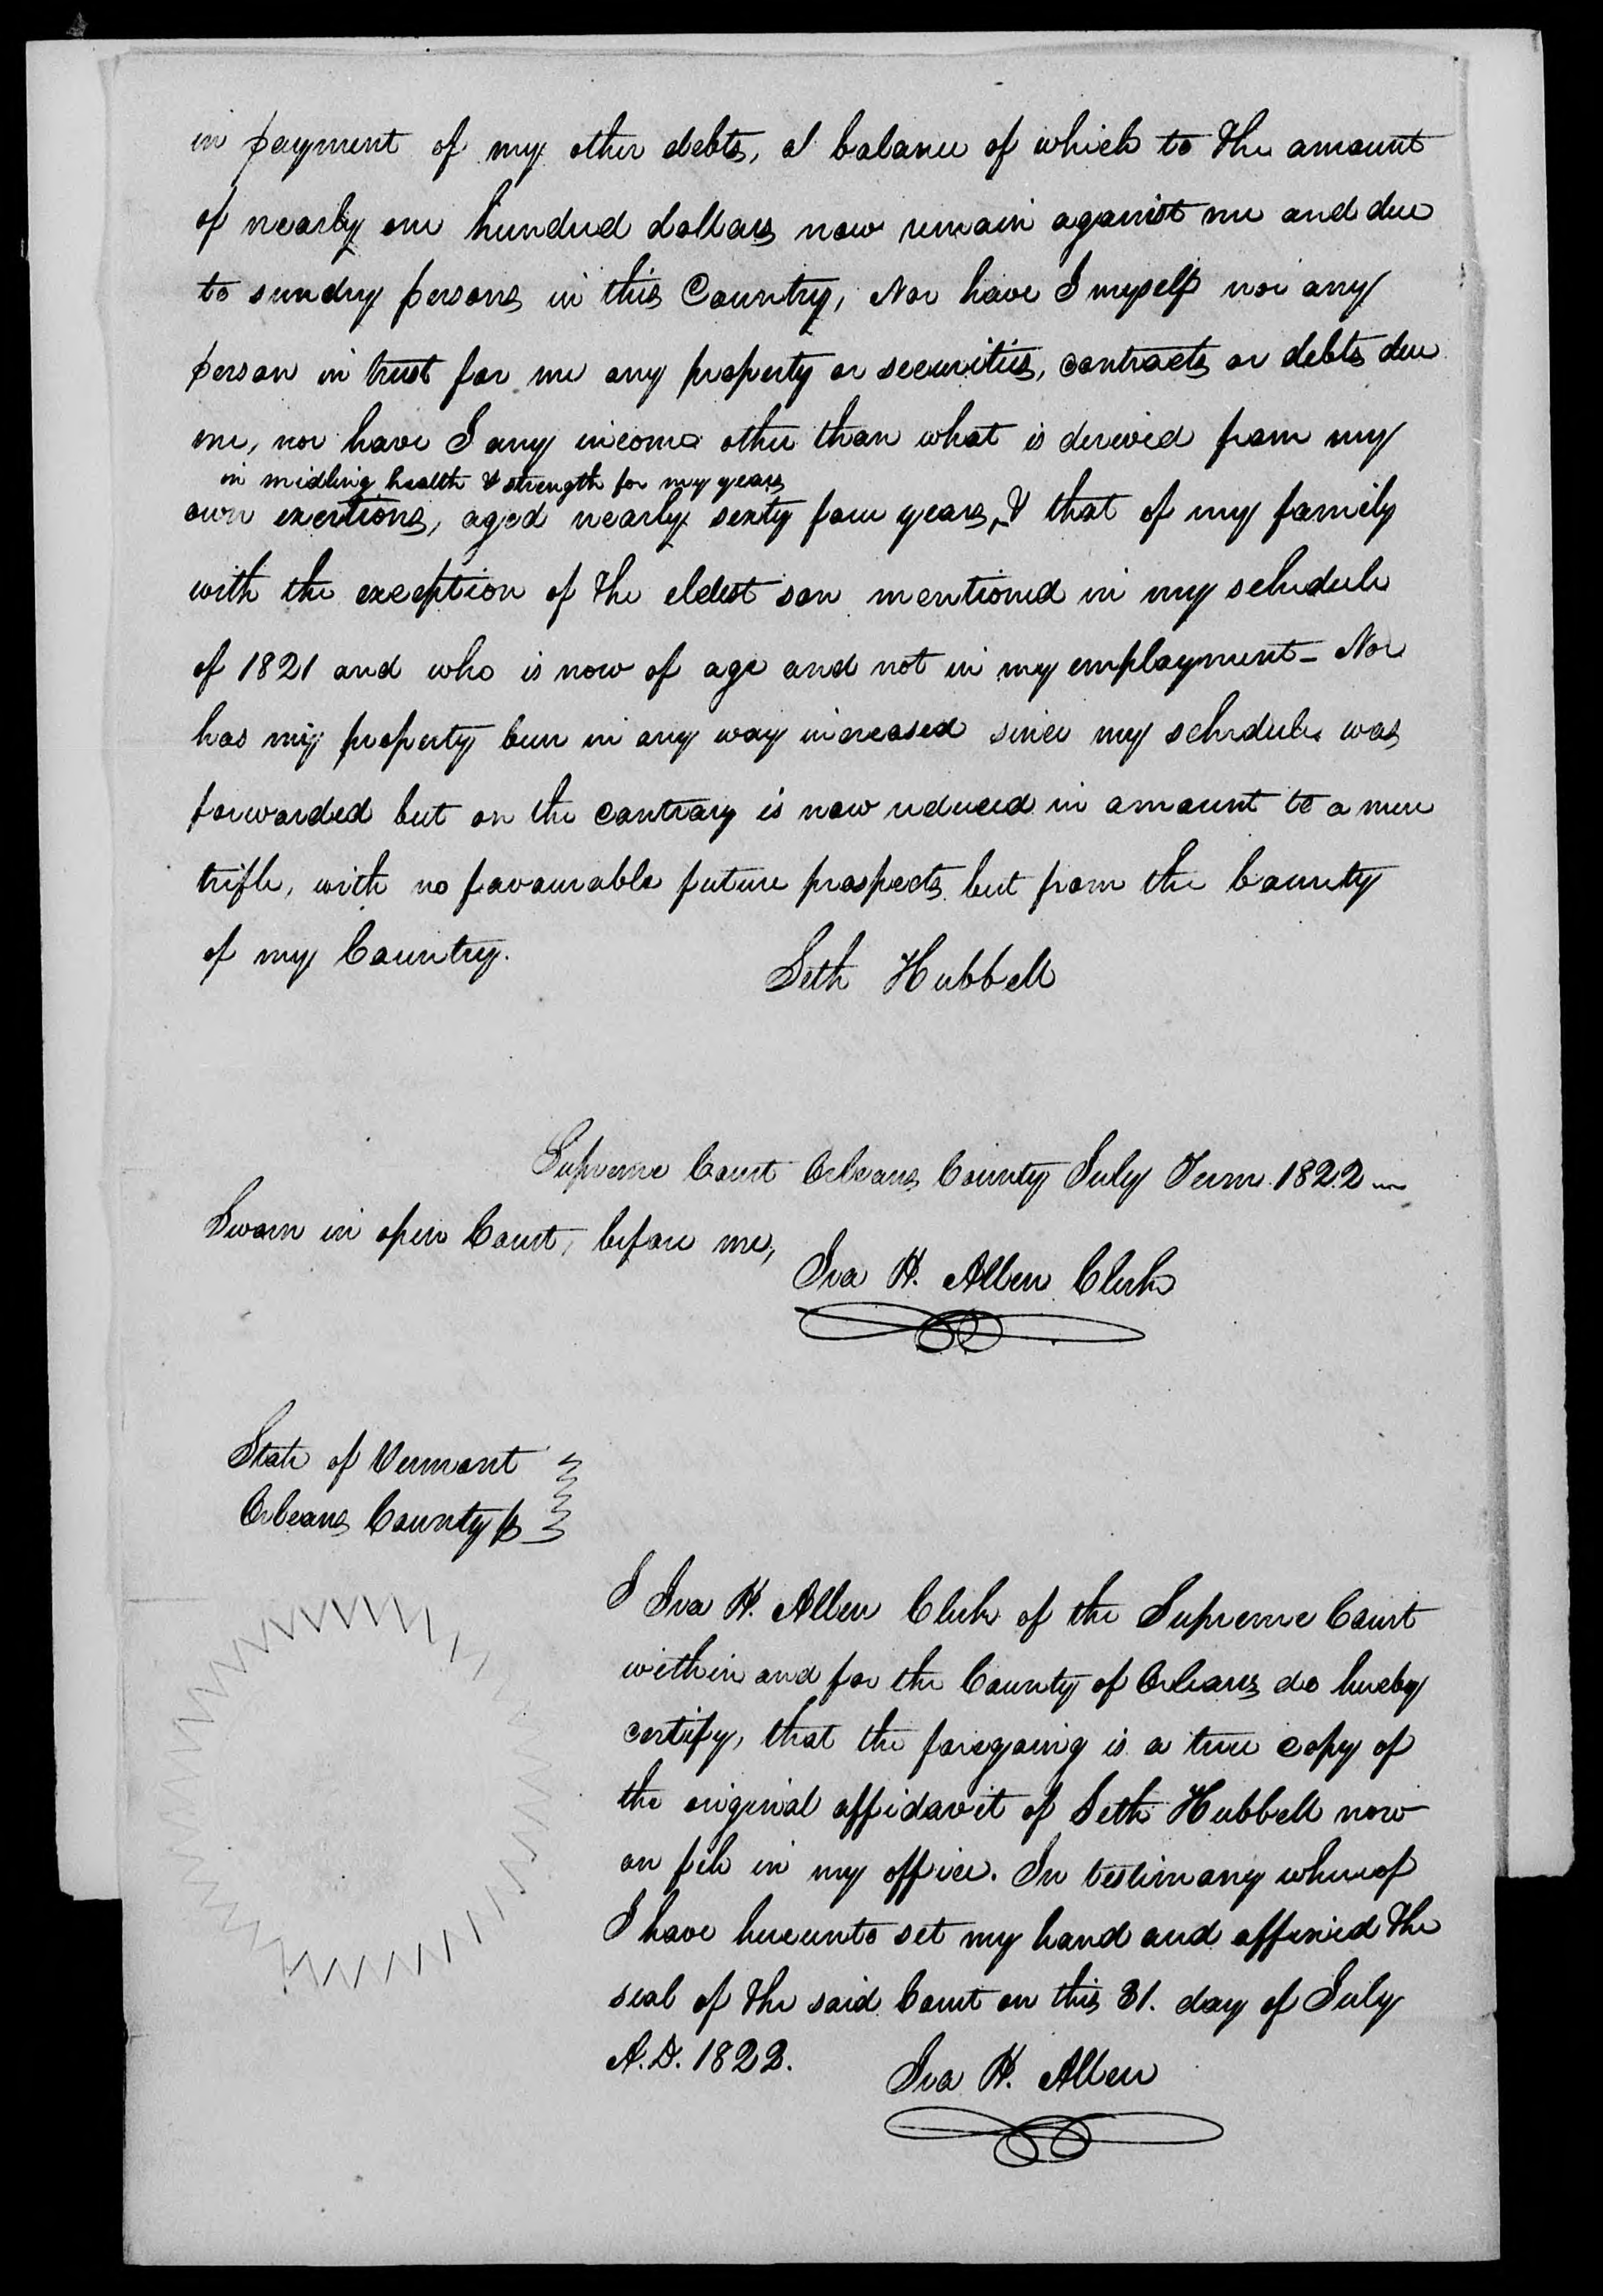in payment of my other debts, a balance of which to the amount of nearly one hundred dollars now remain against me and due to sundry persons in this Country, nor have I myself nor any person in trust for me any property or securities, contracts or debts due me, nor have I any income other than what is derived from my own exertions, ^in midling health & strength for my years^ aged nearly6 sixty four years, & that of my family with exception of the eldest son mentioned in my schedule of 1821 and who is now of age and not in my employment_ Nor has my property been in any way increased since my schedule was forwarded but on the contrary is now reduced in amount to a mere trifle, with no favorable future prospects but from the County of my Country.
Seth Hubbell

Supreme Court Orleans County July Term 1822
Sworn in open Court, before me, Ira H. Allen Clerk

State of Vermont
Orleans County ss

I Ira H. Allen Clerk of the Supreme Court within and for the County of Orleans do hereby certify, that the foregoing is a true copy of the original affidavit of Seth Hubbell now on file in my office. In testimony whereof I have hereunto set my hand and affixed the seal of the said Court on this 31. day of July A.D. 1822.
Ira H. Allen

[seal affixed to bottom lefthand side of page]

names: Ira H Allen, Seth Hubbell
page: 89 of 114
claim: widow's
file: W. 2115, Seth Hubbell, Conn.